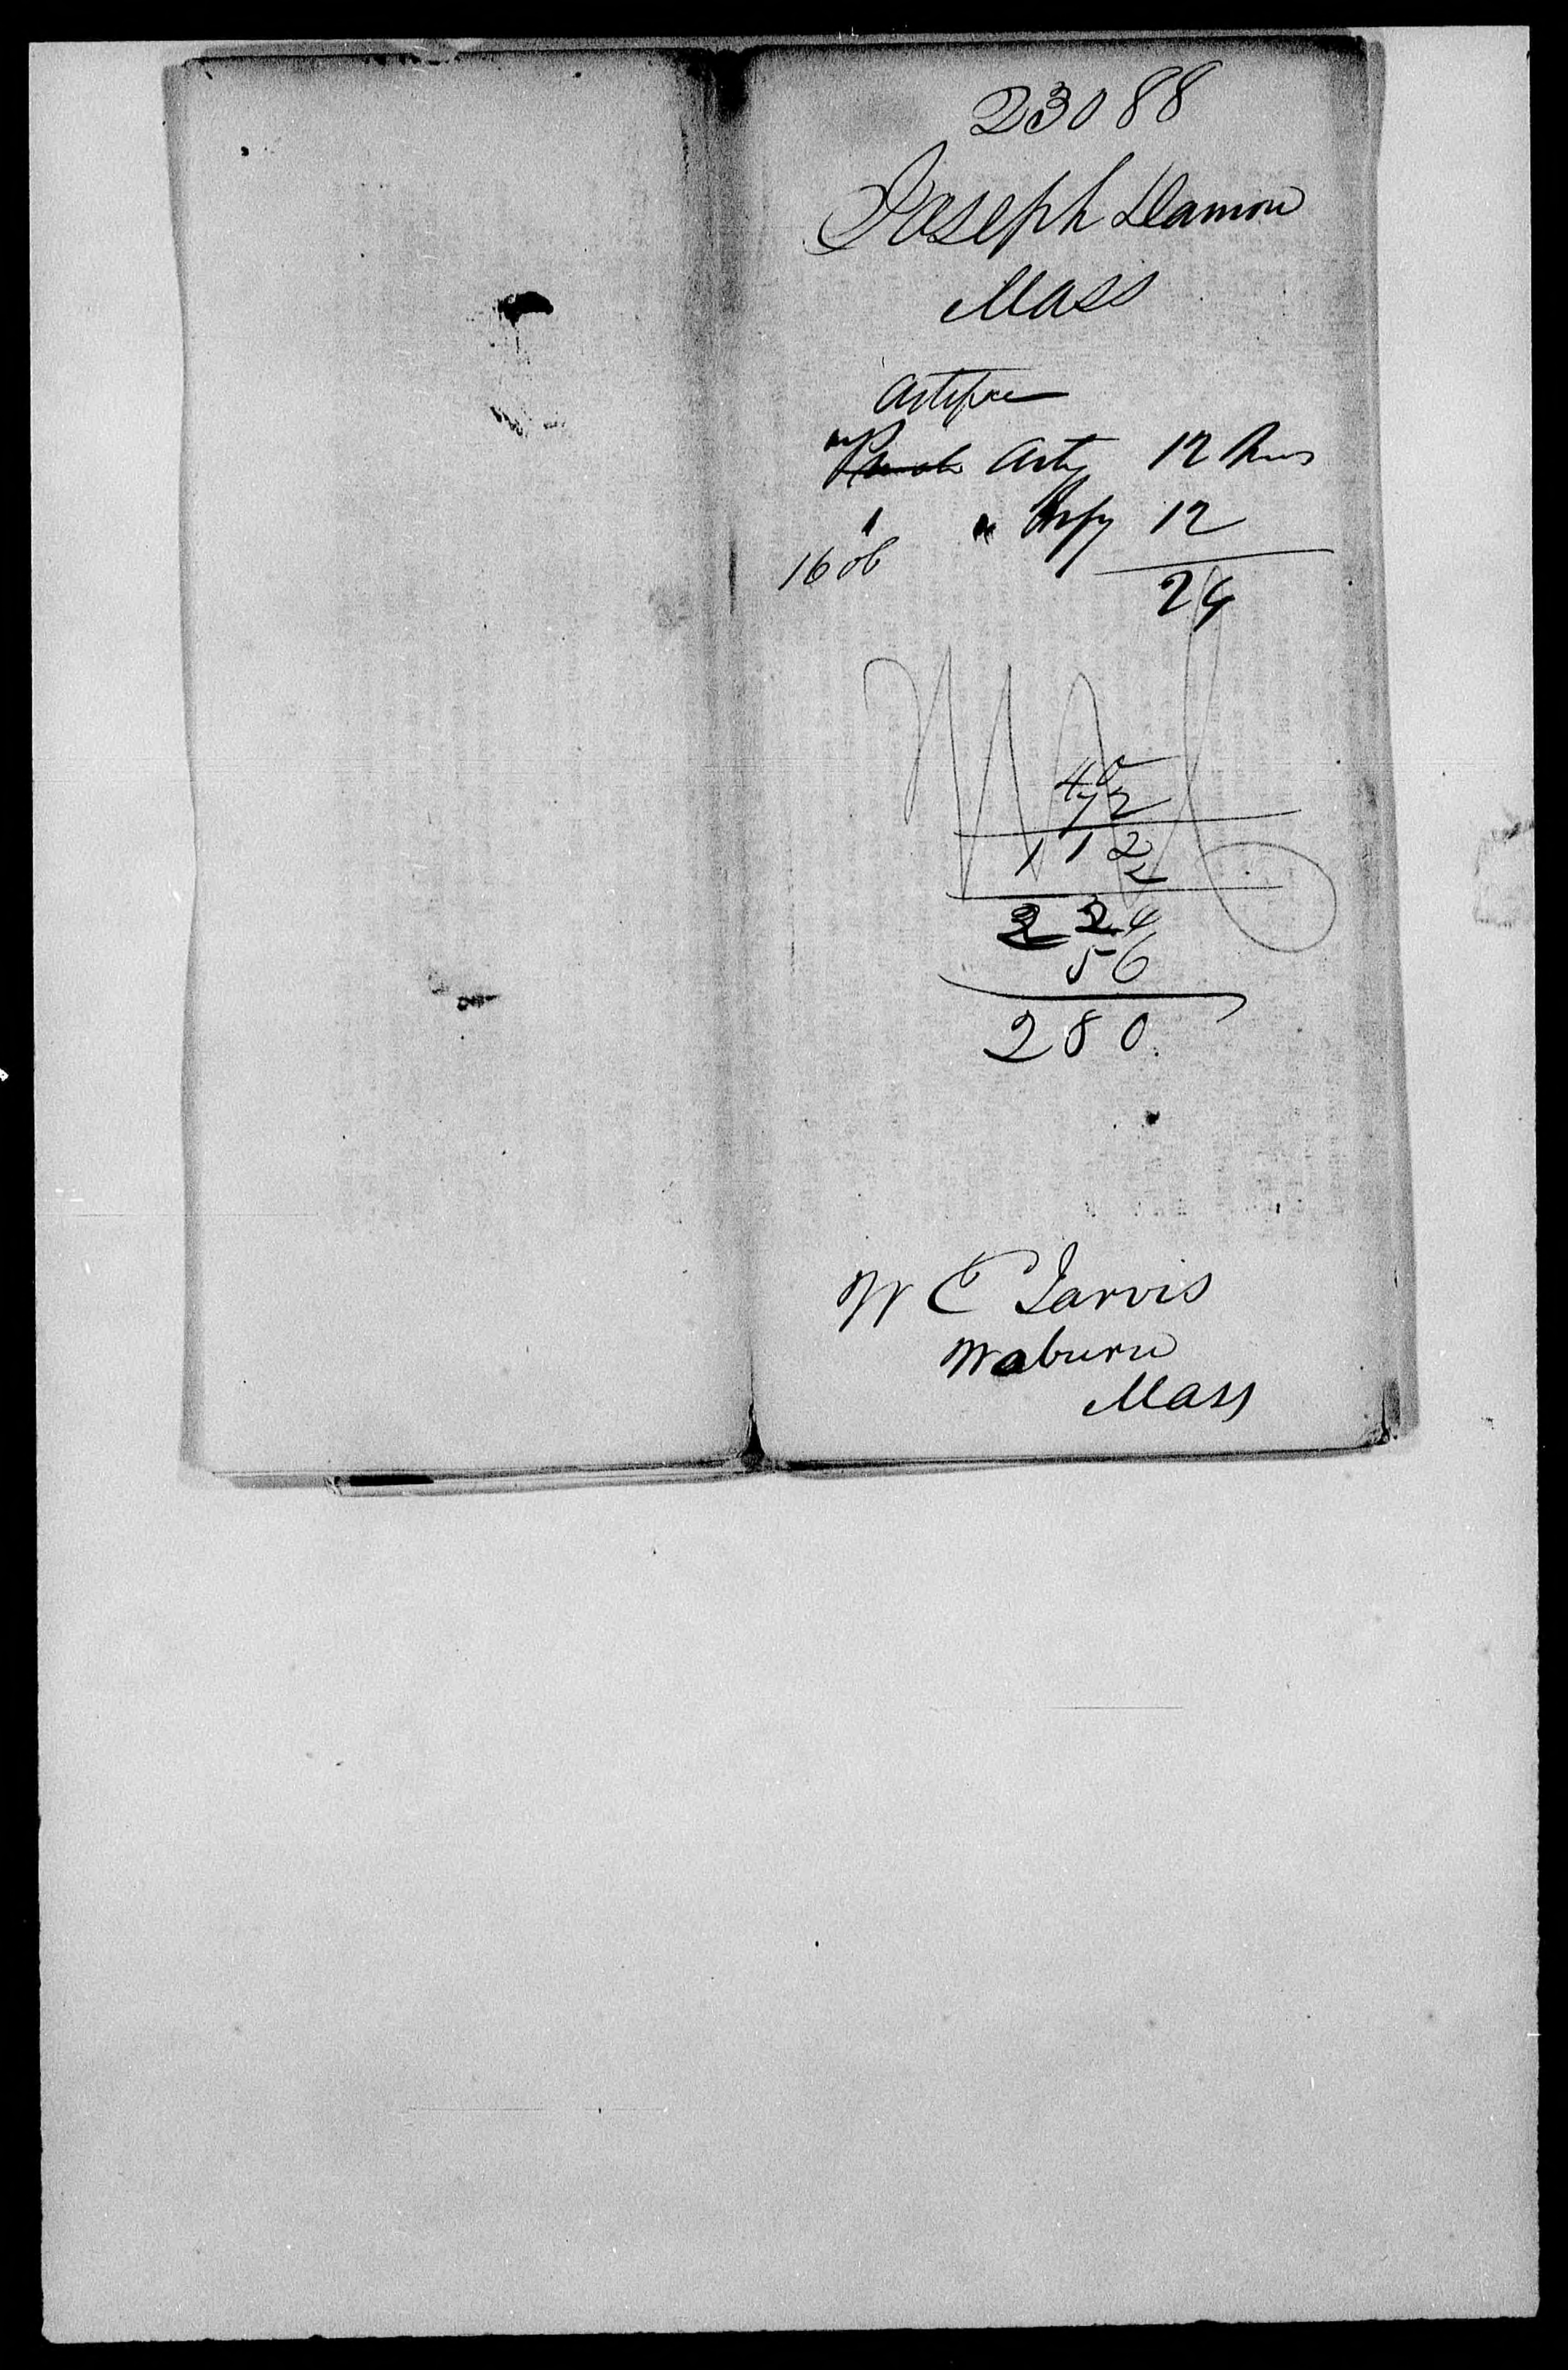23088
Joseph Damon
Mass

Artificer Art'y 12 mos
Private Inf'y    12
                         ---
                          24

  40
  72
----
112
   2
----
224
  56
----
280

W. C. Jarvis
Woburn
Mass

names: W C Jarvis, Joseph Damon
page: 11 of 28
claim: survivor's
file: S. 17376, Joseph Damon, Continental Mass.